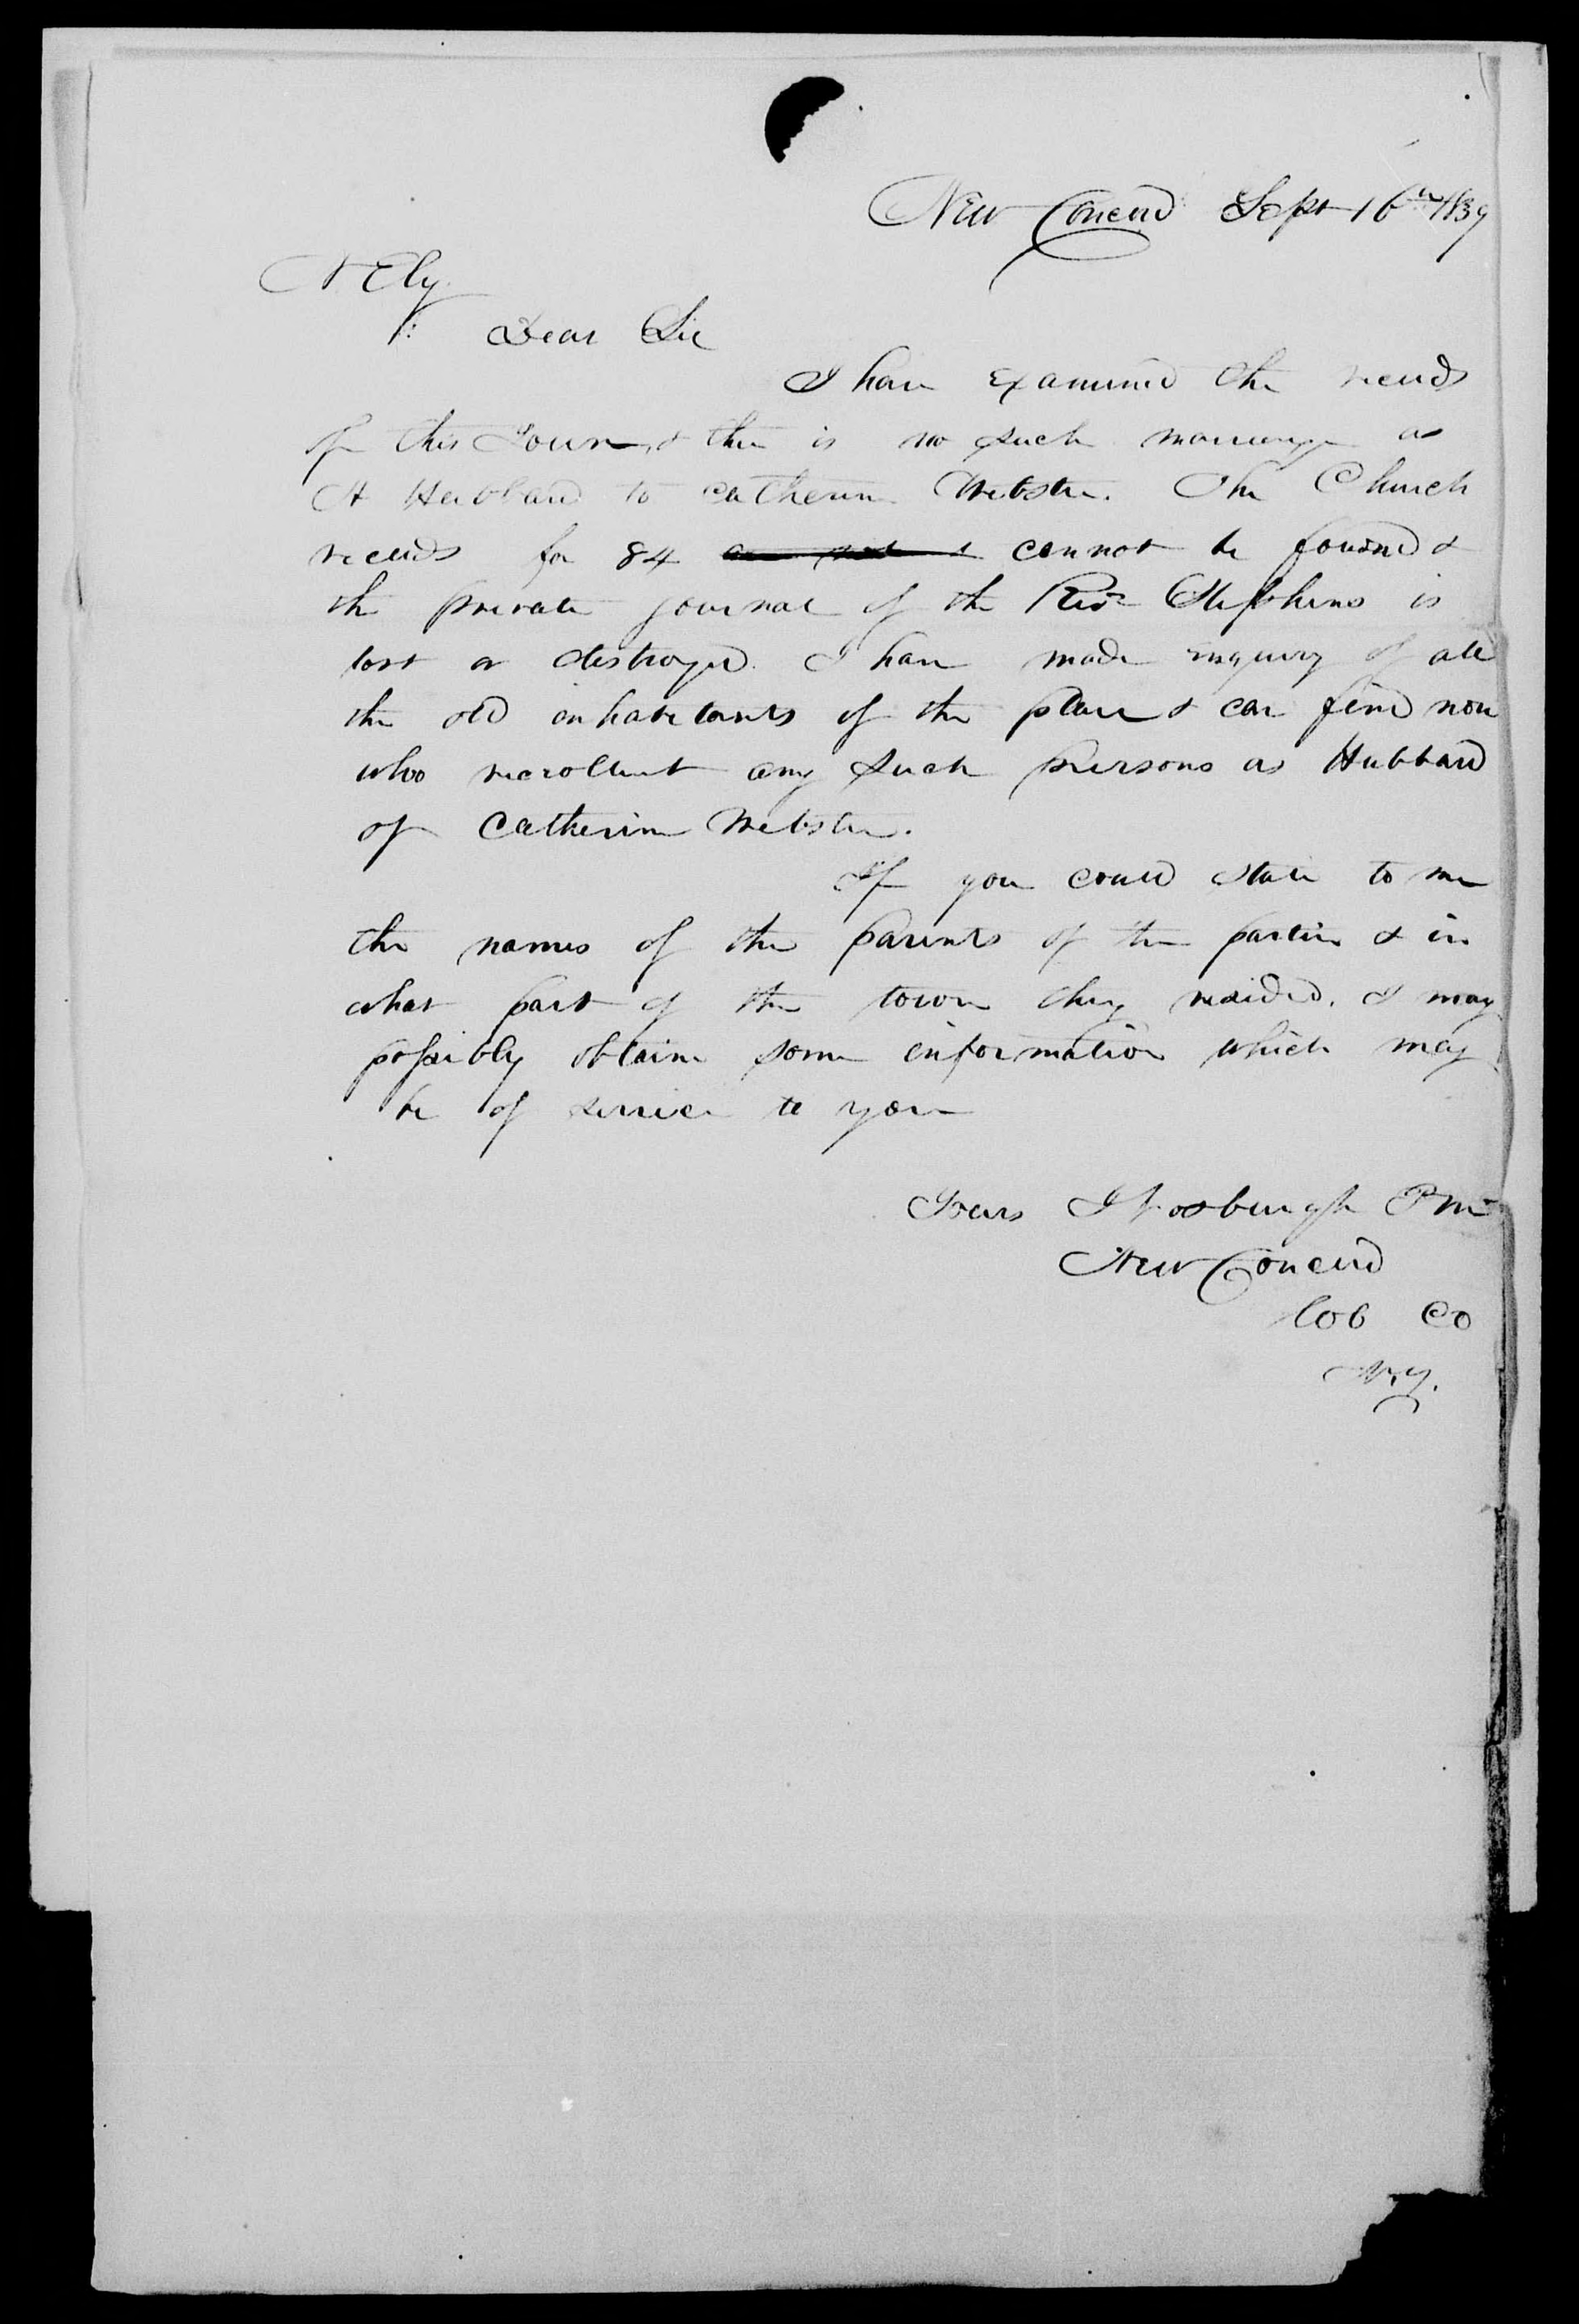New Concord Sept 16th 1839

A Ely
Dear Sir
I have examined the records of this Town, + there is no such marriage as A Hubbard to Catherine Webster. The Church records for 84 cannot be found & the private journal of the Rev [illegible] is lost or destroyed. I have made enquiry of all the old inhabitants of the place + can find none who recollect any such persons as Hubbard or Catherine Webster.
If you could state to me the names of the parents of the parties & in what part of the town they resided, I may possibly obtain some information which may be of service to you
Yours J Vosburgh [illegible]
New Concord
Col Co
N.Y.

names: A Henderson, A Ely, Catherine Webster, Stephens, J Vosburgh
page: 18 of 38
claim: widow's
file: W. 23,381, Abner Hubbard, Continental Mass.